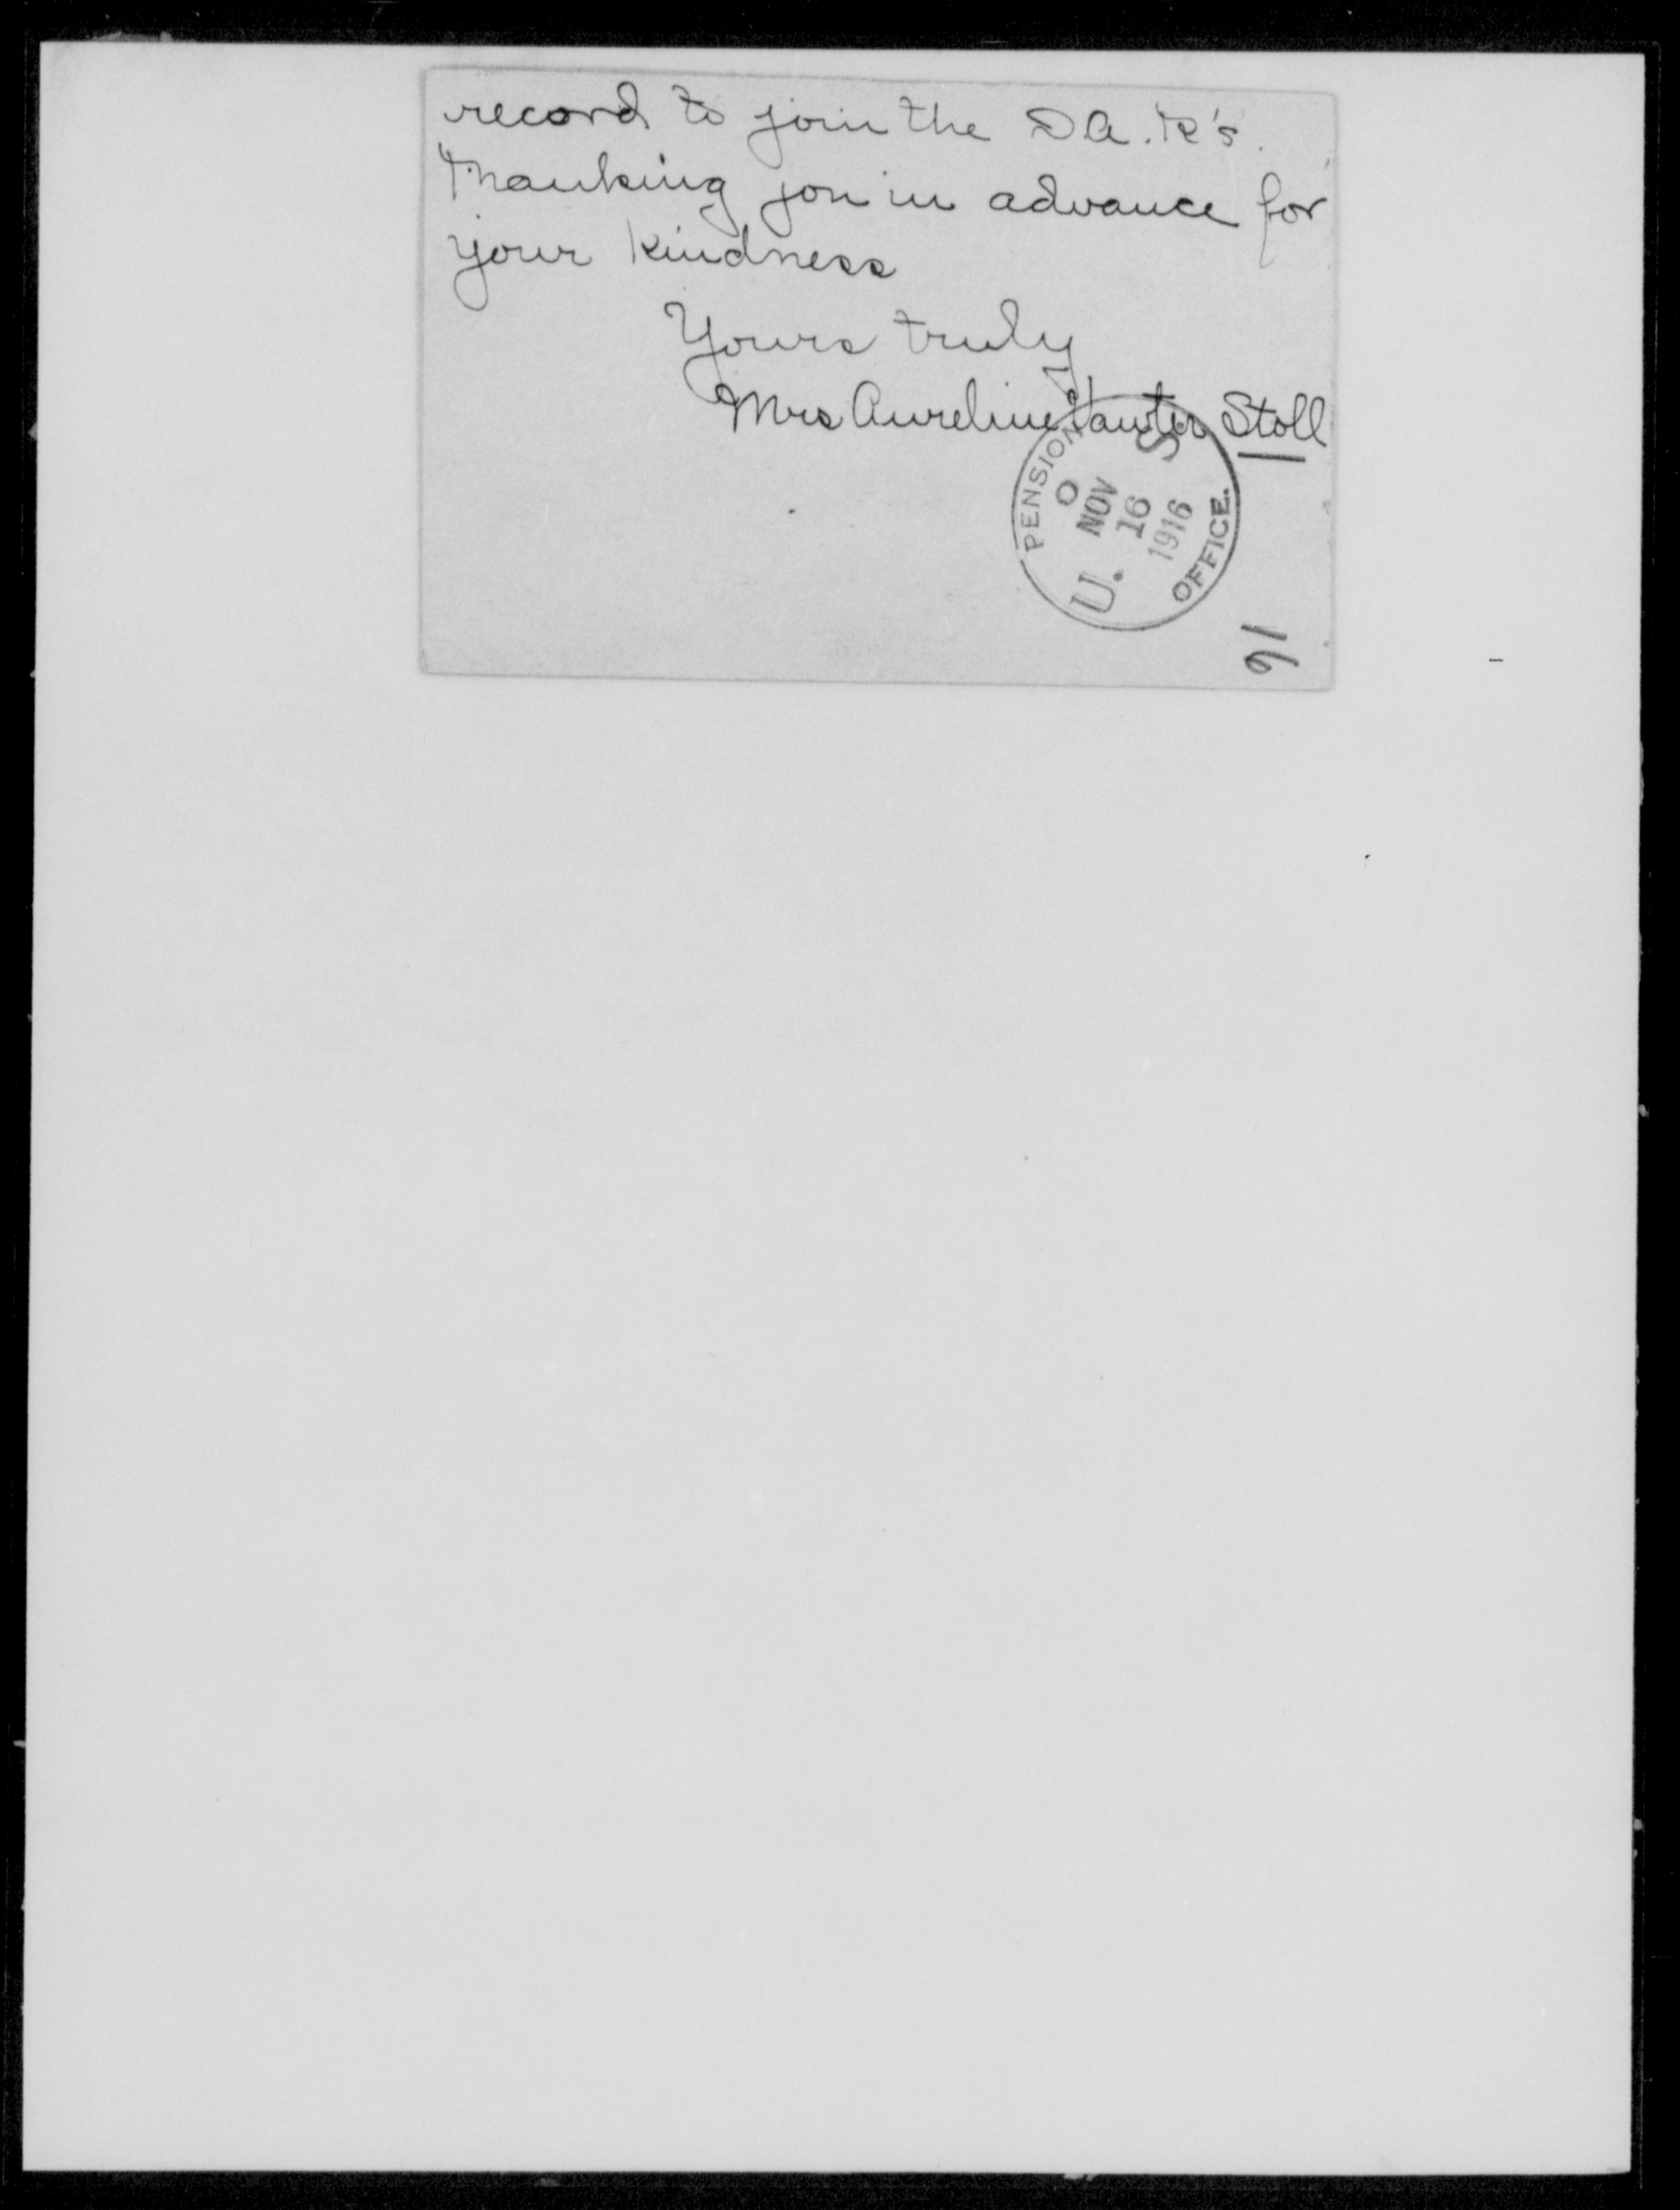record to join the D.A.R's
Thanking you in advance for
your kindness
Yours truly
Mrs Rivieline Vawter Stoll

PENSION OFFICE
NOV 16 1916
U.S.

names: Aureline Vawter Stoll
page: 16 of 51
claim: rejected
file: R. 10,921, William Vawter, Va.